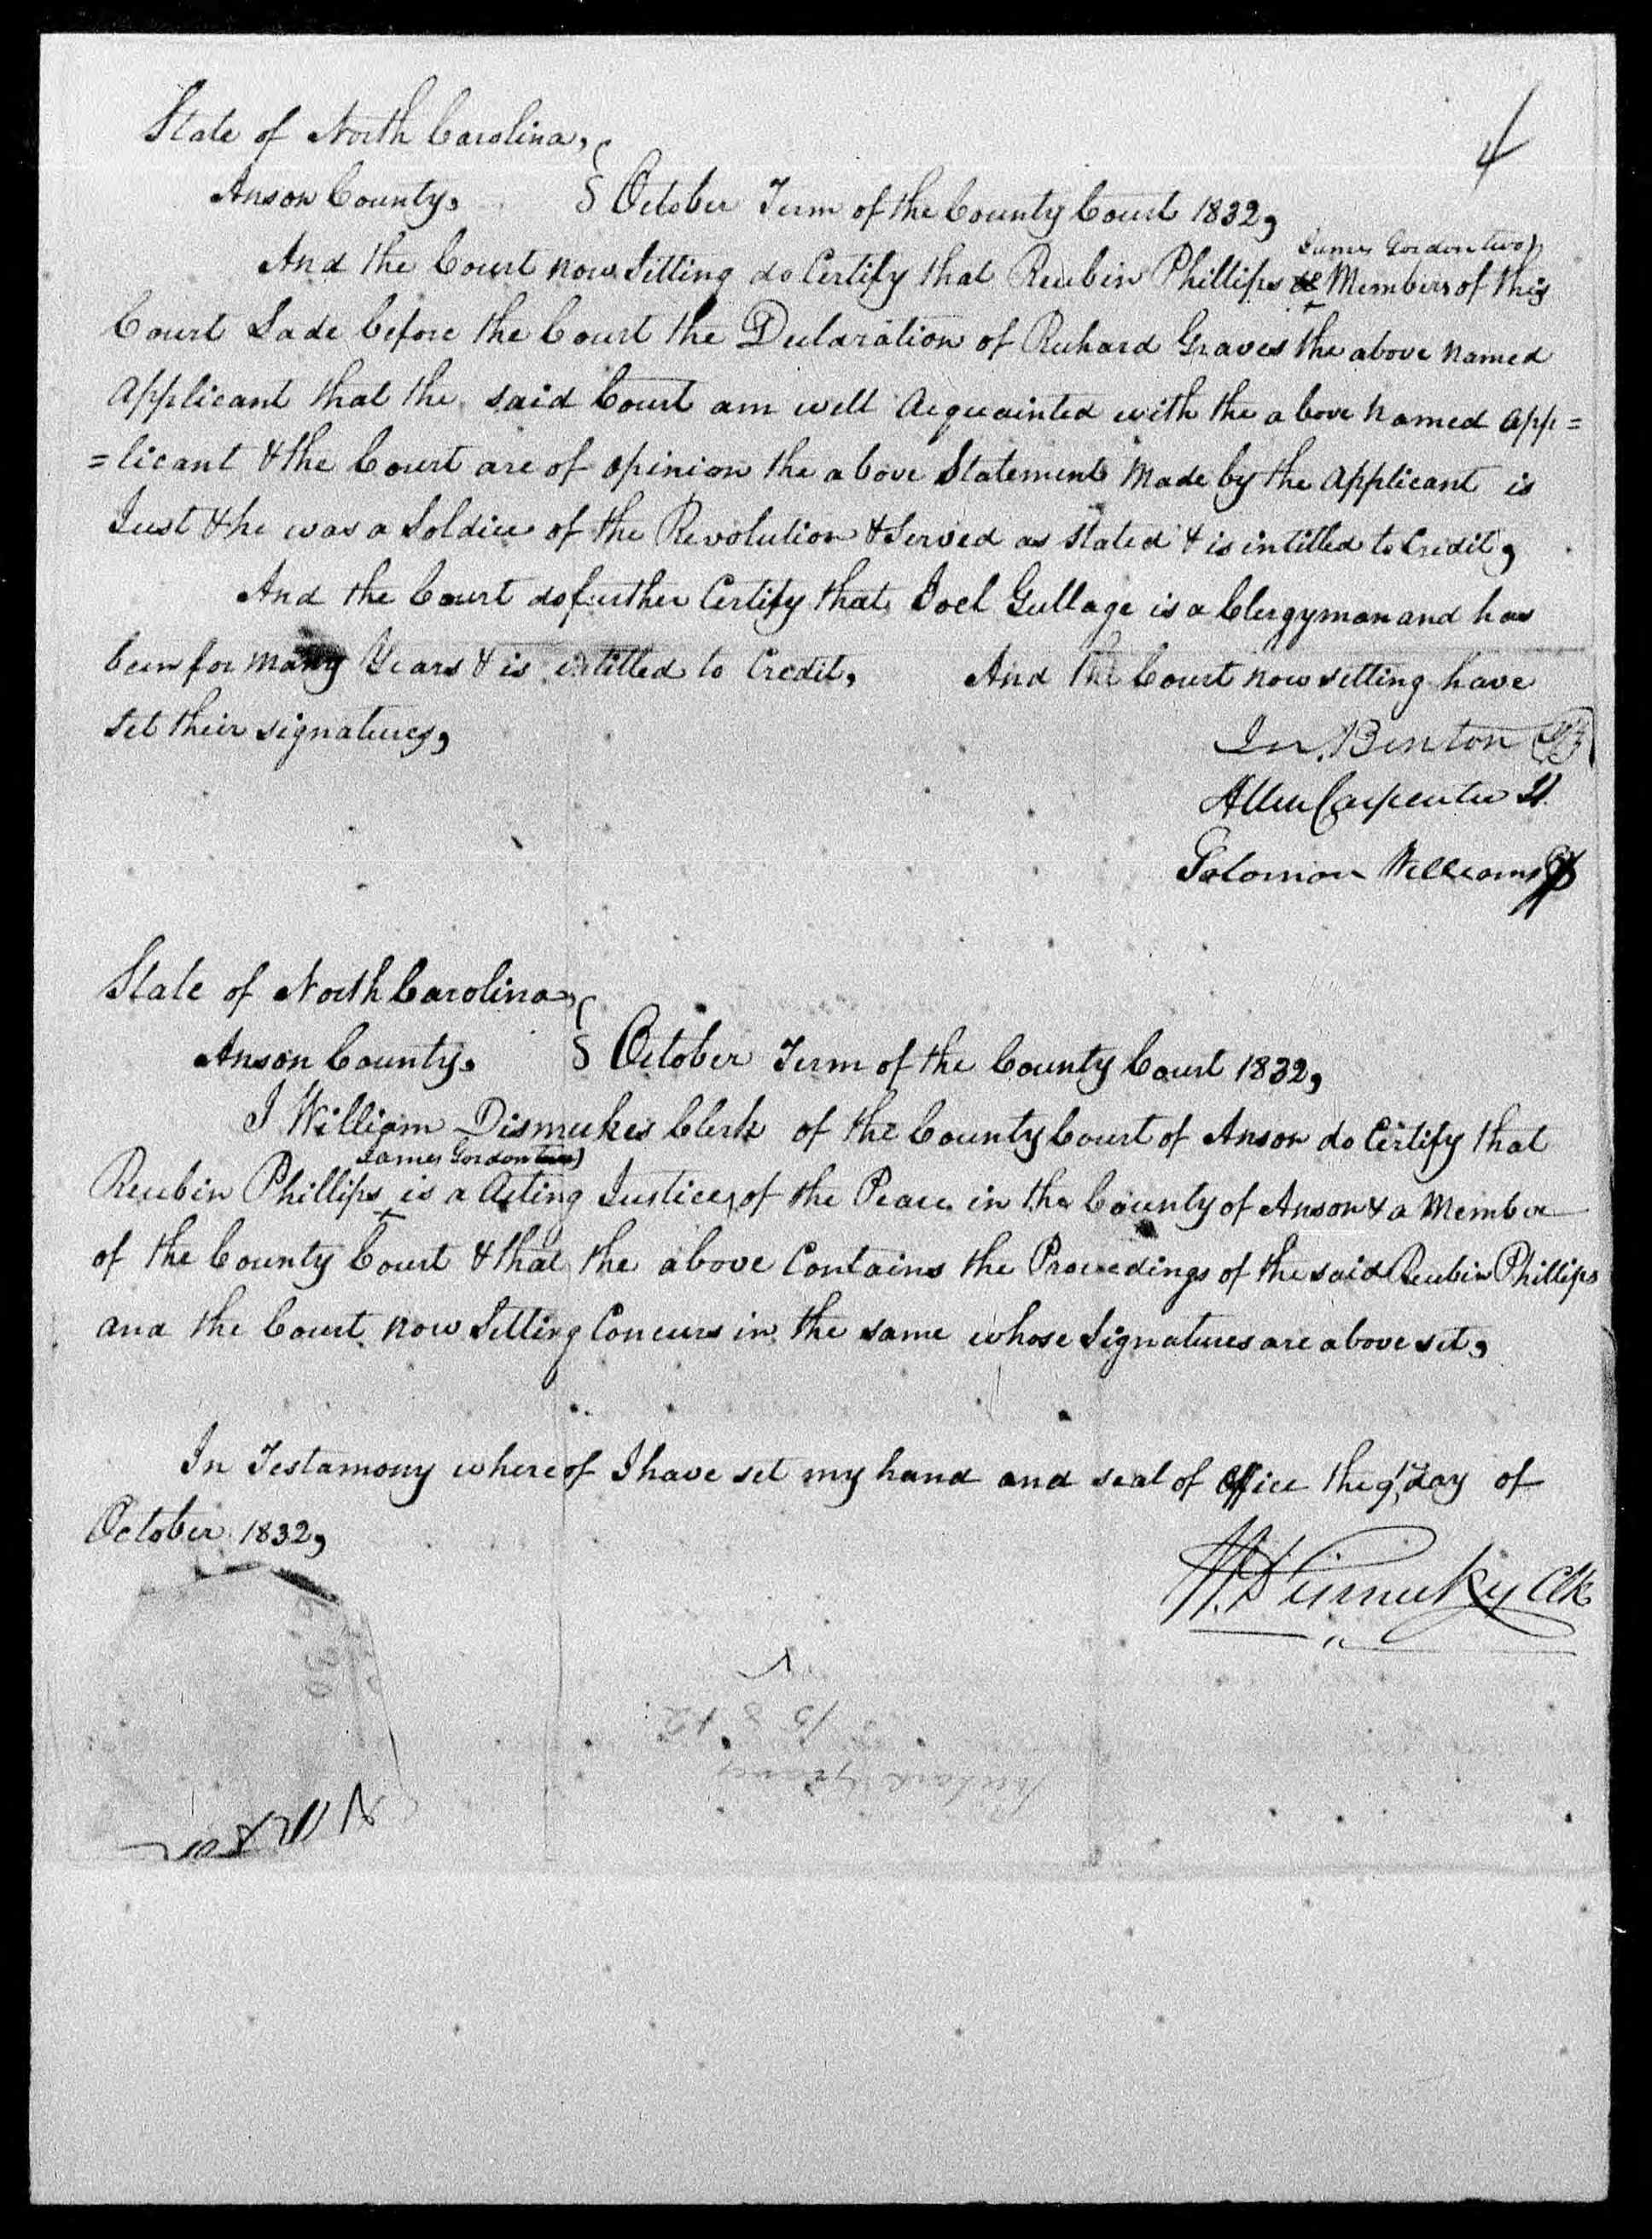4

State of North Carolina, }
Anson County, }
October Term of the County Court 1832,

And the Court now Sitting do Certify that Reubin Phillips & James Gordon two Members of this Court Lade before the Court the Declaration of Richard Graves the above named applicant that the said Court am will Acquainted with the above named applicant & the Court are of opinion the above Statements made by the applicant is Just & he was a Soldier of the Revolution & Served as stated & is intitled to Credit, 
And the Court do further Certify that, Joel Gullage is a Clergyman and has
been for many Years & is intitled to Credit. And the Court now sitting have
set their signatures,
Jno. Benton [seal]
Allen Carpenter [seal]
Solomon Williams [seal]


State of North Carolina, }
Anson County, }
October Term of the County Court 1832,

I William Dismukes Clerk of the County Court of Anson do Certify that
Reubin Phillips & James Gordon [??] is a Acting Justices of the Peace in the County of Anson and a Member of the County Court & that the above contains the Proceedings of the said Reubin Phillips and the Court now Sitting Concurs in the same whose Signatures are above set.

In Testimony whereof I have set my hand and seal of Office the 9th, day of
October 1832,
W. Dismukes Clk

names: Reubin Phillips, Richard Graves, James Gordon, W Dismukes, Solomon Williams, Richard Graves, William Dismukes, Joel Gullage, Reubin Phillips, Ira Benton, James Gordon, Allen Carpenter, Reubin Phillips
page: 4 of 15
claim: survivor's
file: S. 8598, Richard Graves, S.C.